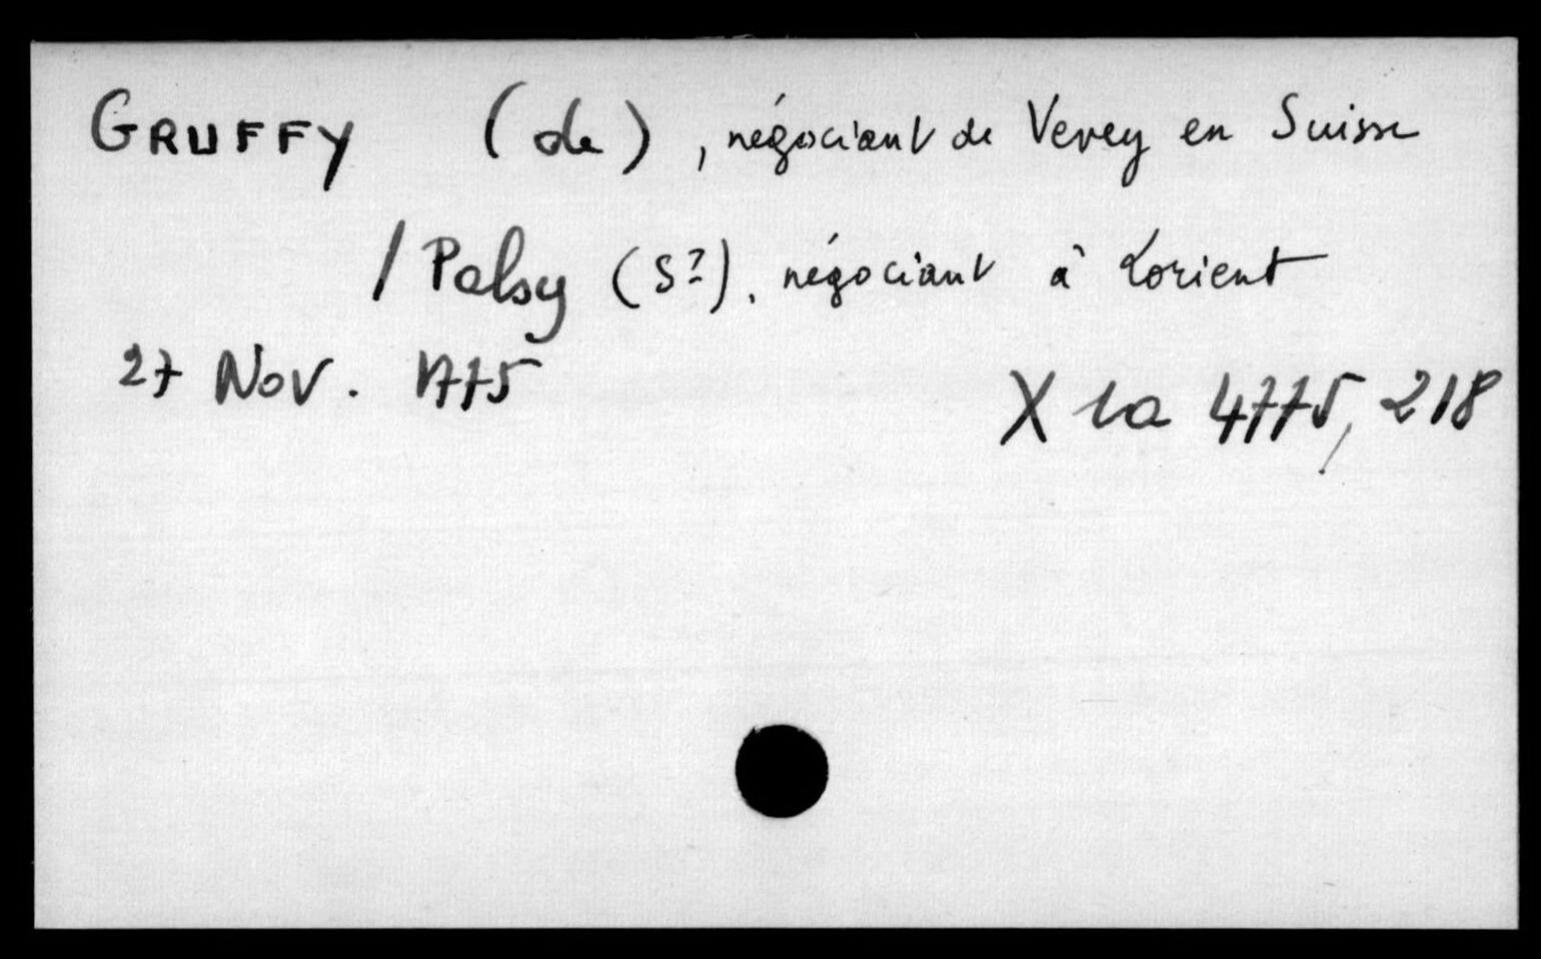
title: GRUFFY (de), négociant de Vevey en Suisse
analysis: Contre Pelsy (sieur), négociant à Lorient
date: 27 novembre 1775
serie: X1a
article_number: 4775
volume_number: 218
